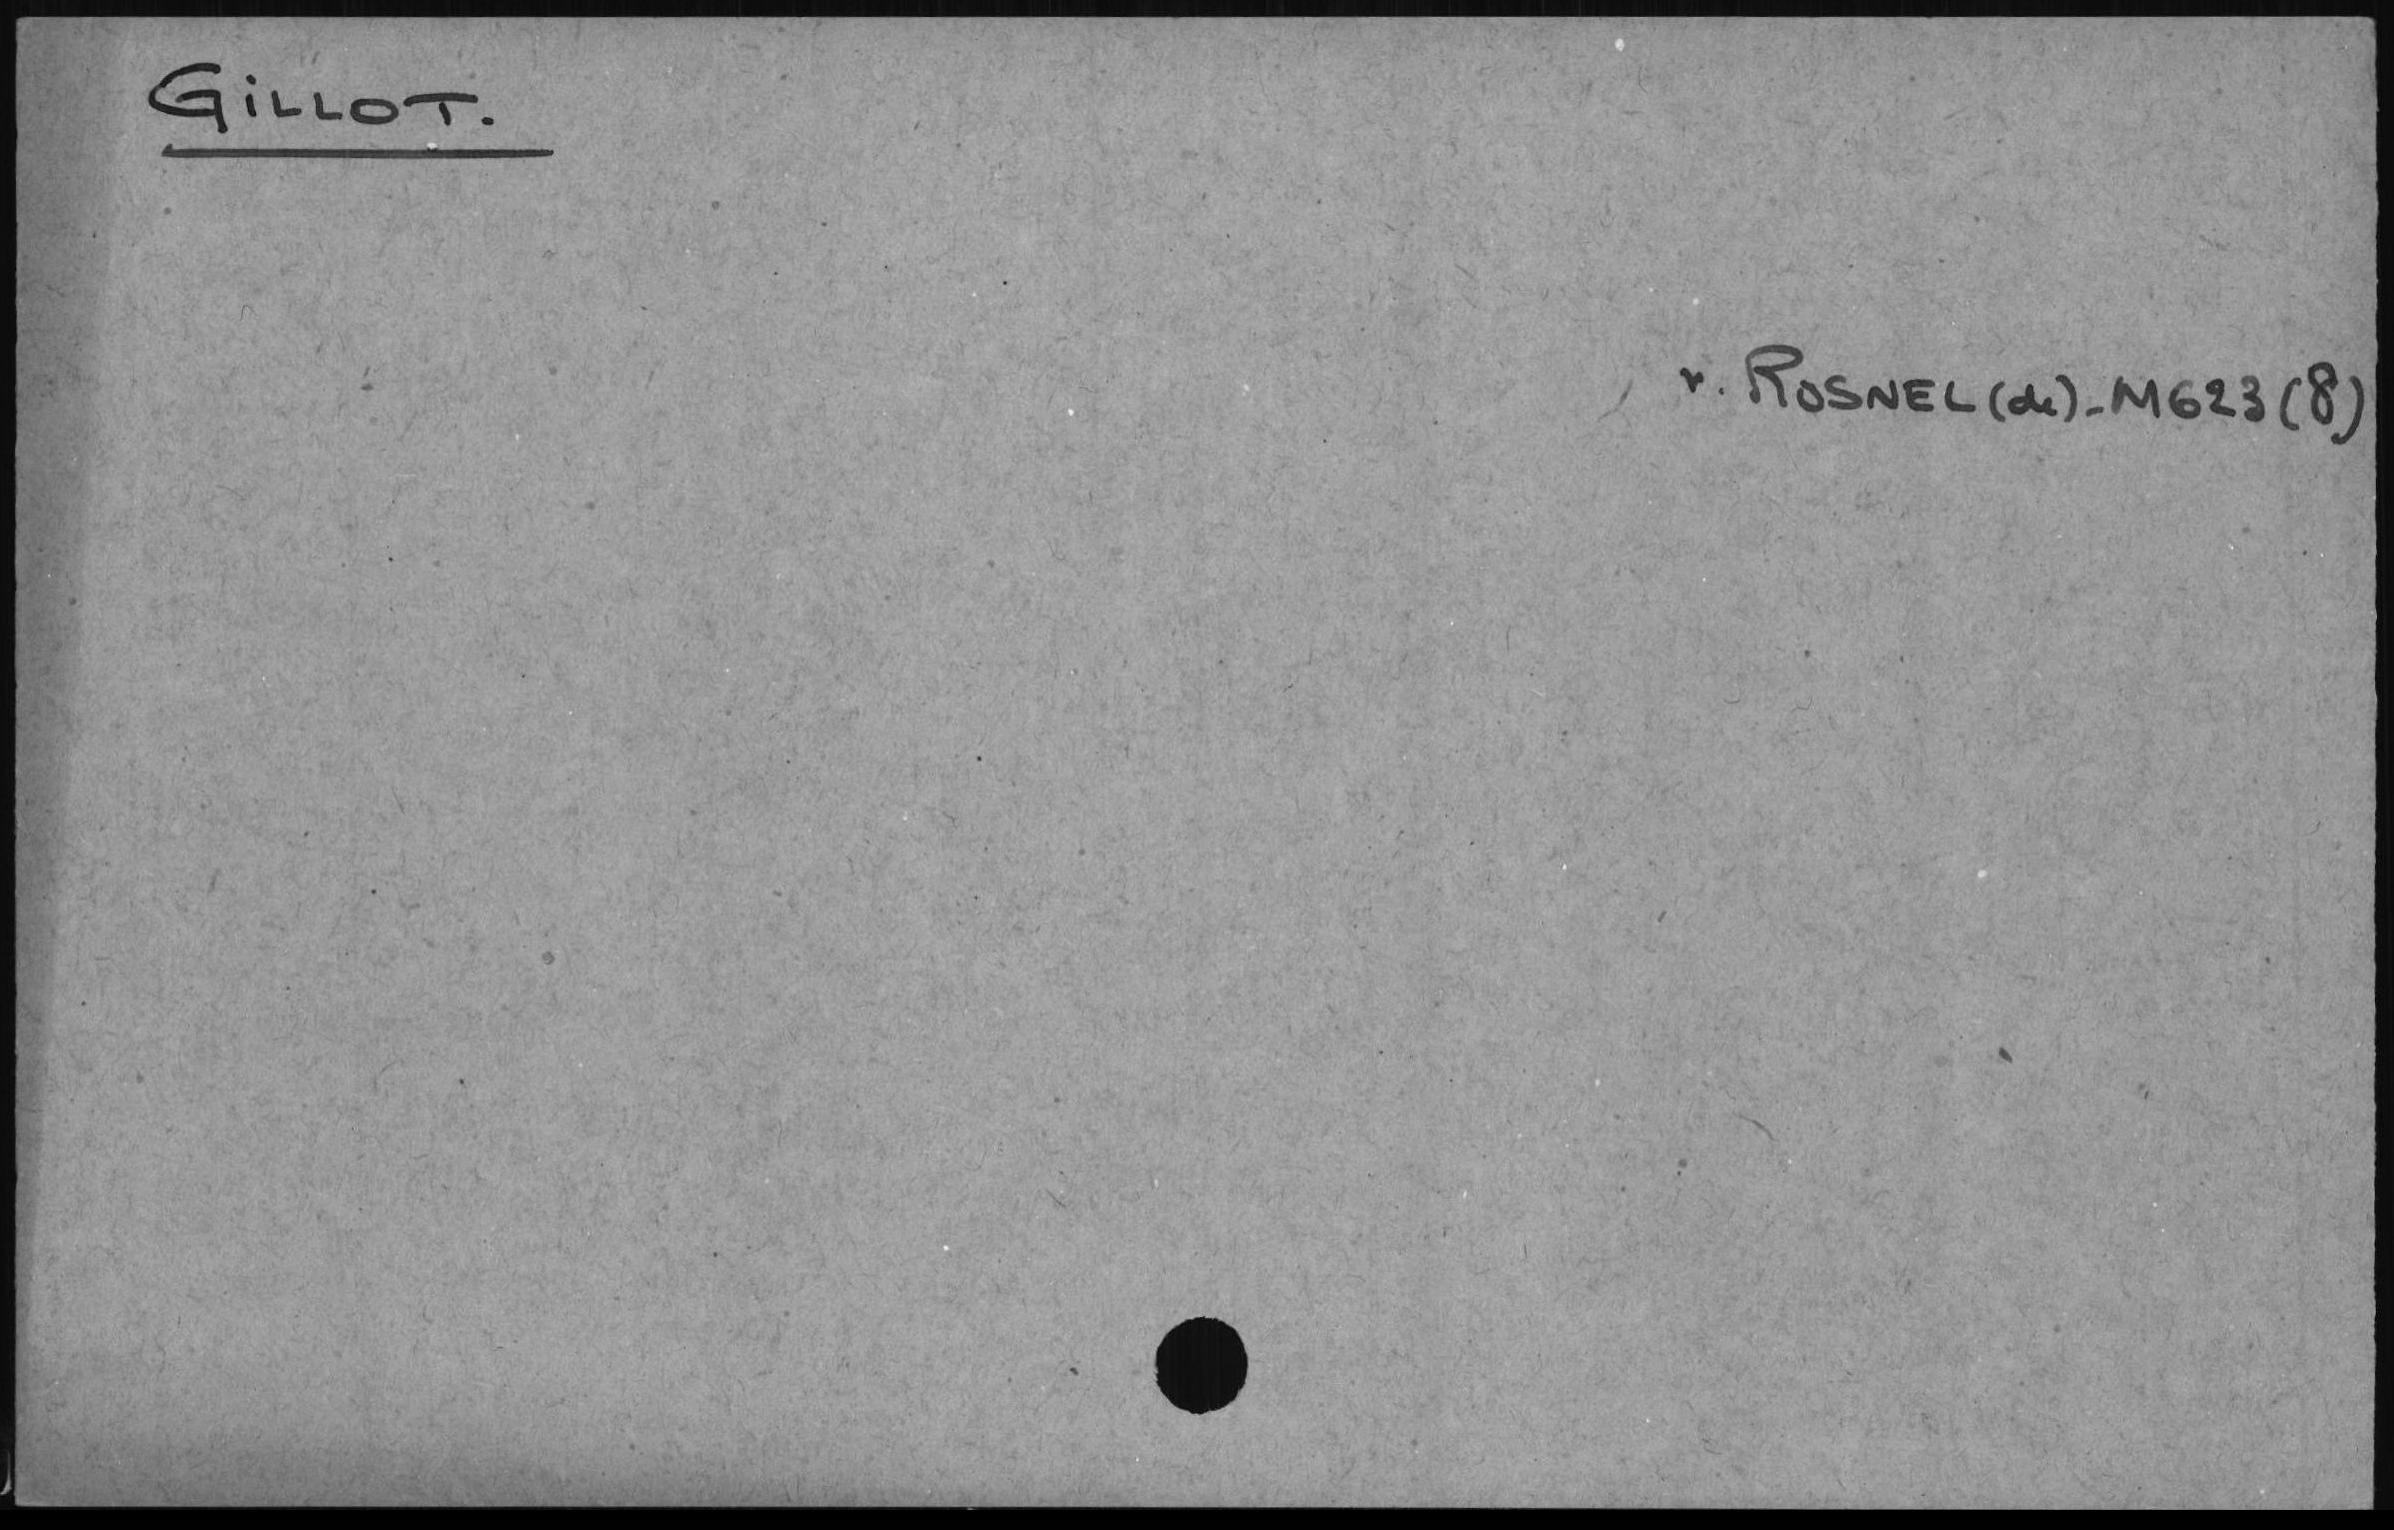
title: GILLOT.
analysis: voir : ROSNEL (de).
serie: M
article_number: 623
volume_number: (8)
